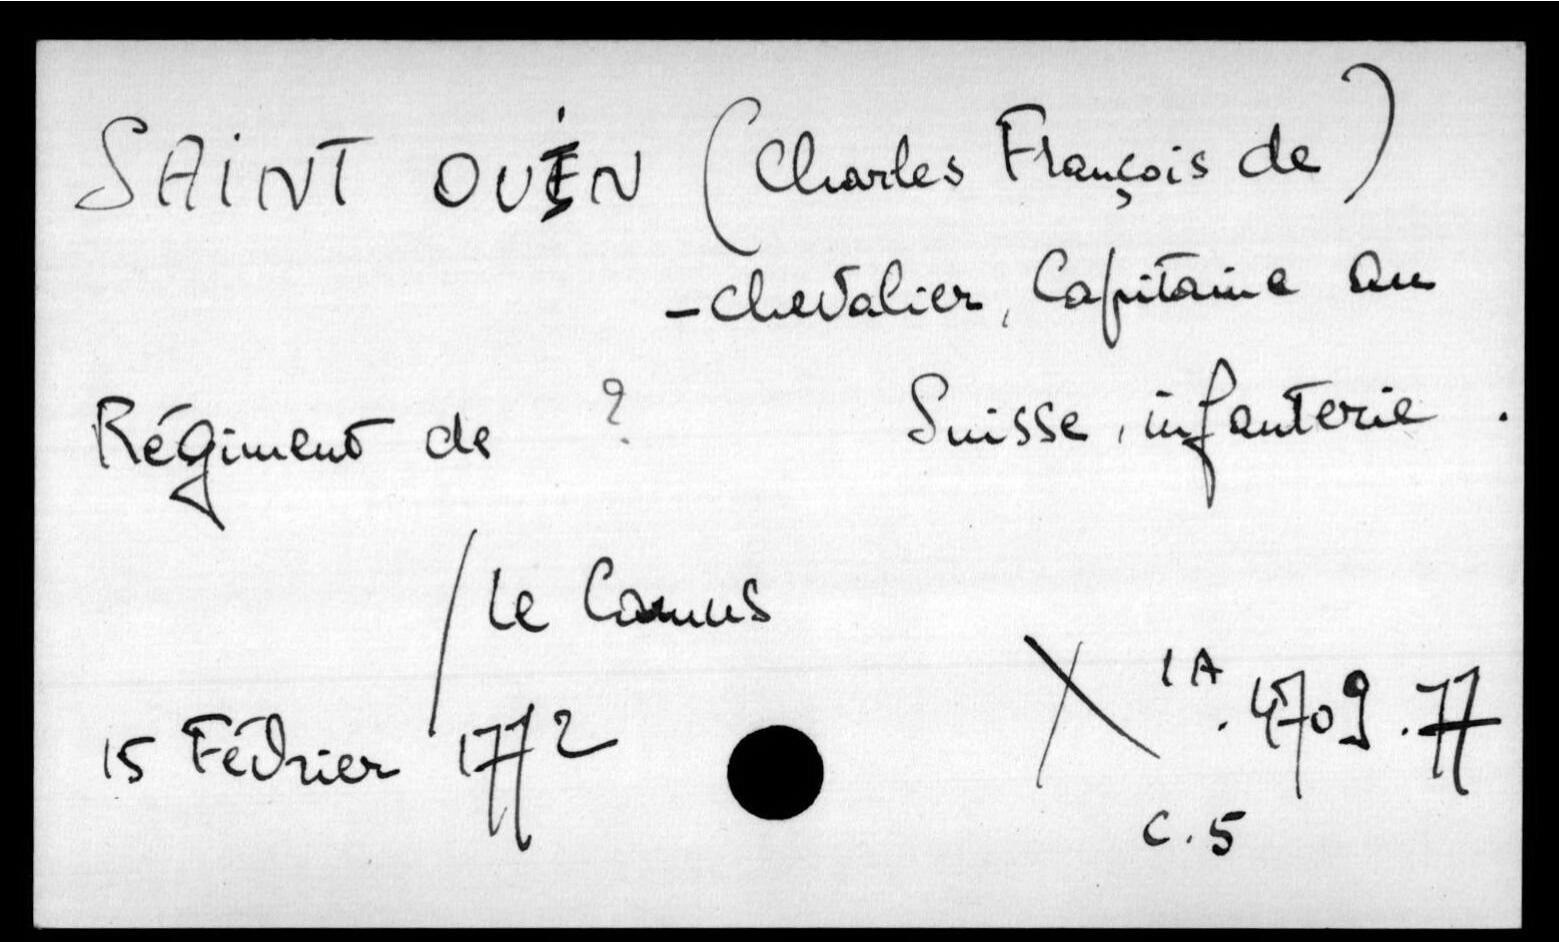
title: SAINT OUIN (Charles François de) - Chevalier, capitaine au Régiment de ? suisse, infanterie
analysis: Contre Le Camus
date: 15 février 1772
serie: X1A
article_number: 4709
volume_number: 77 Conseil 5
